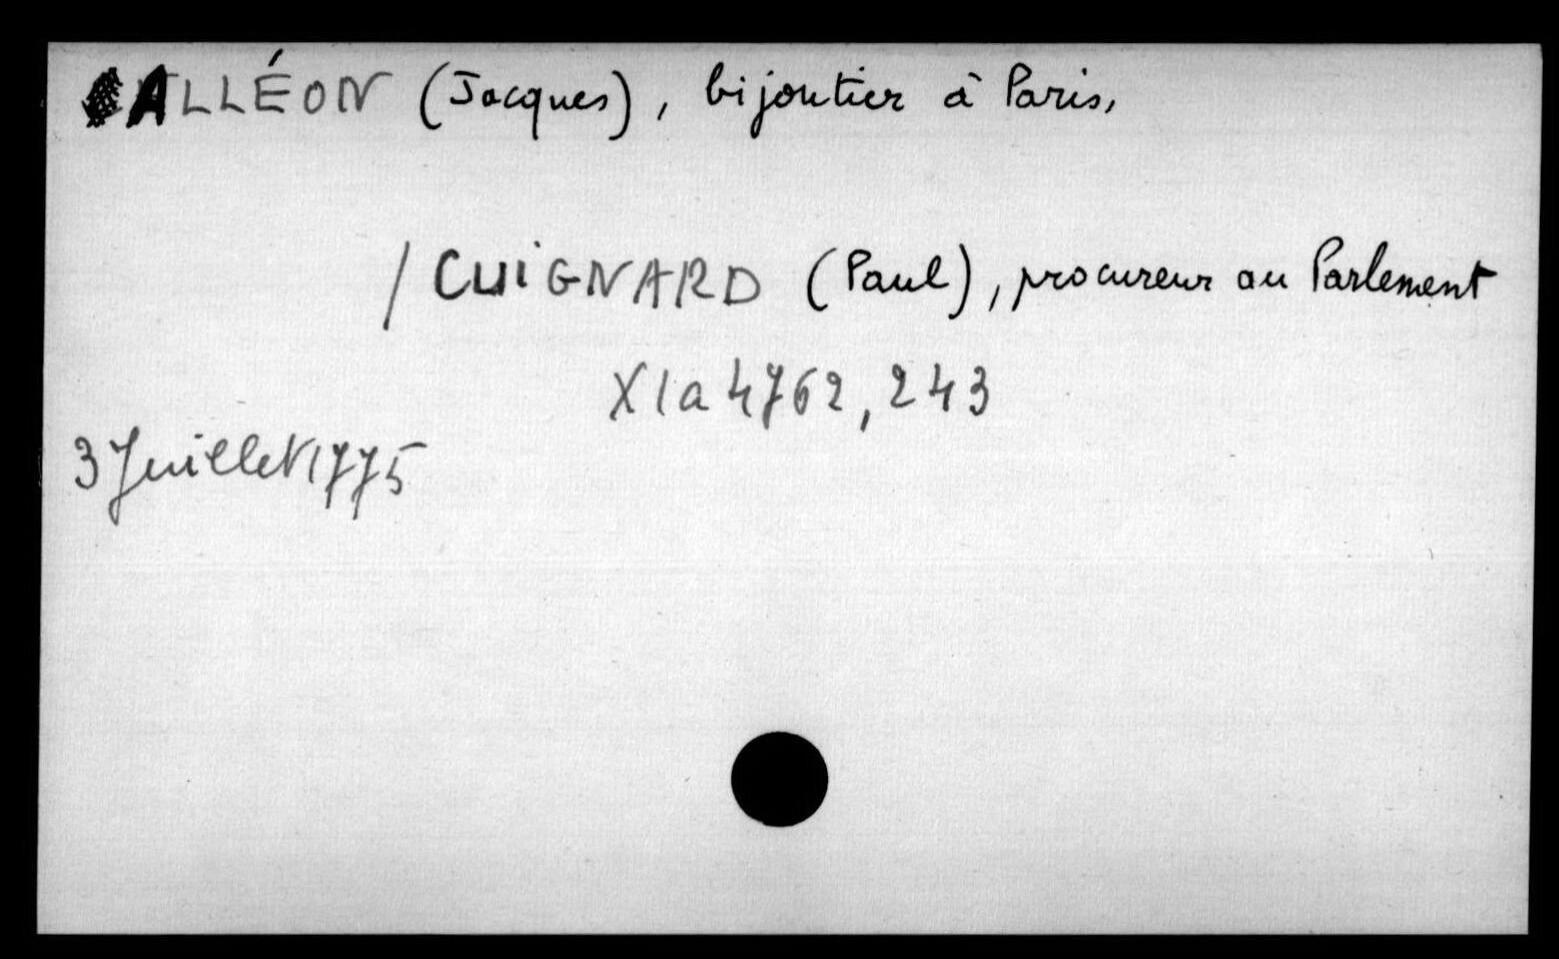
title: ALLÉON, bijoutier à Paris.
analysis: Contre CUIGNARD (Paul), procureur au Parlement
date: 3 juillet 1775
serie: X1a
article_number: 4762
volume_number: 243
